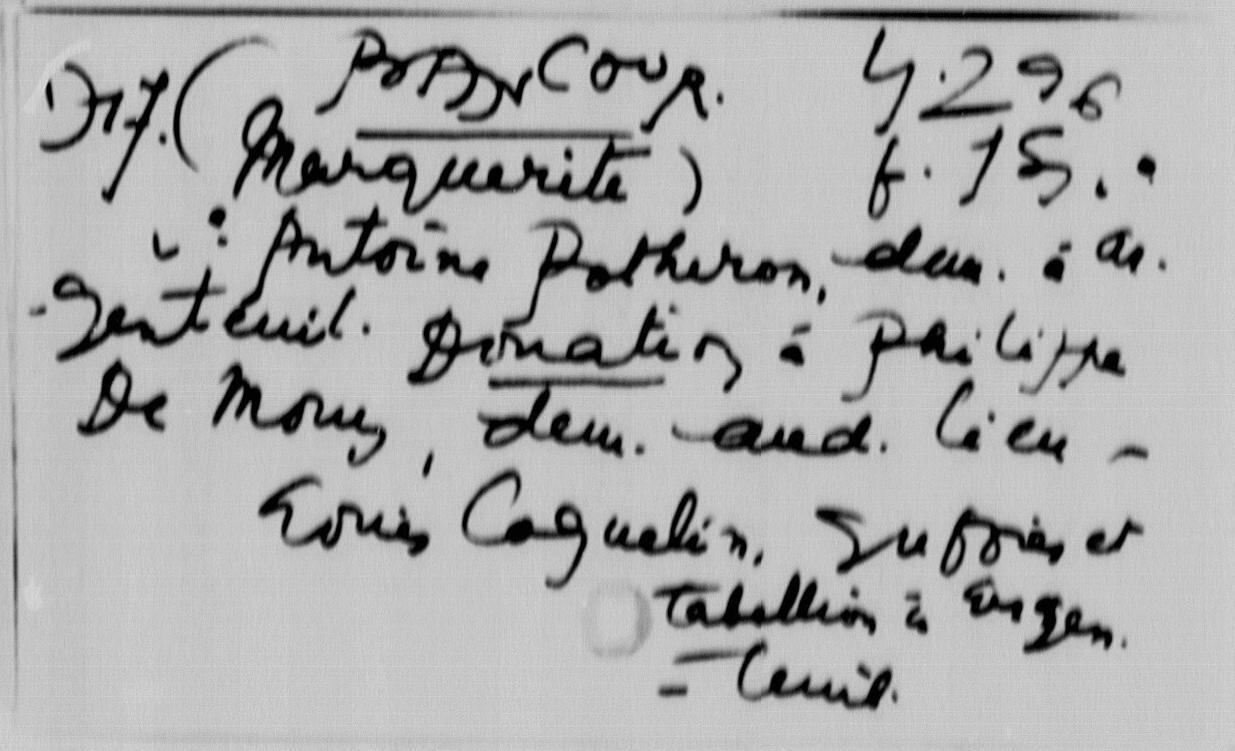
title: BANCOUR (Marguerite)
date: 1717
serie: Y
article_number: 296
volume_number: folio 151v
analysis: Veuve Antoine POTHERON, demeurant à Artenteuil. Donation à Philippe DE MOUY, demeurant audit lieu. Louis Coquelin, greffier et tabellion à Argenteuil
